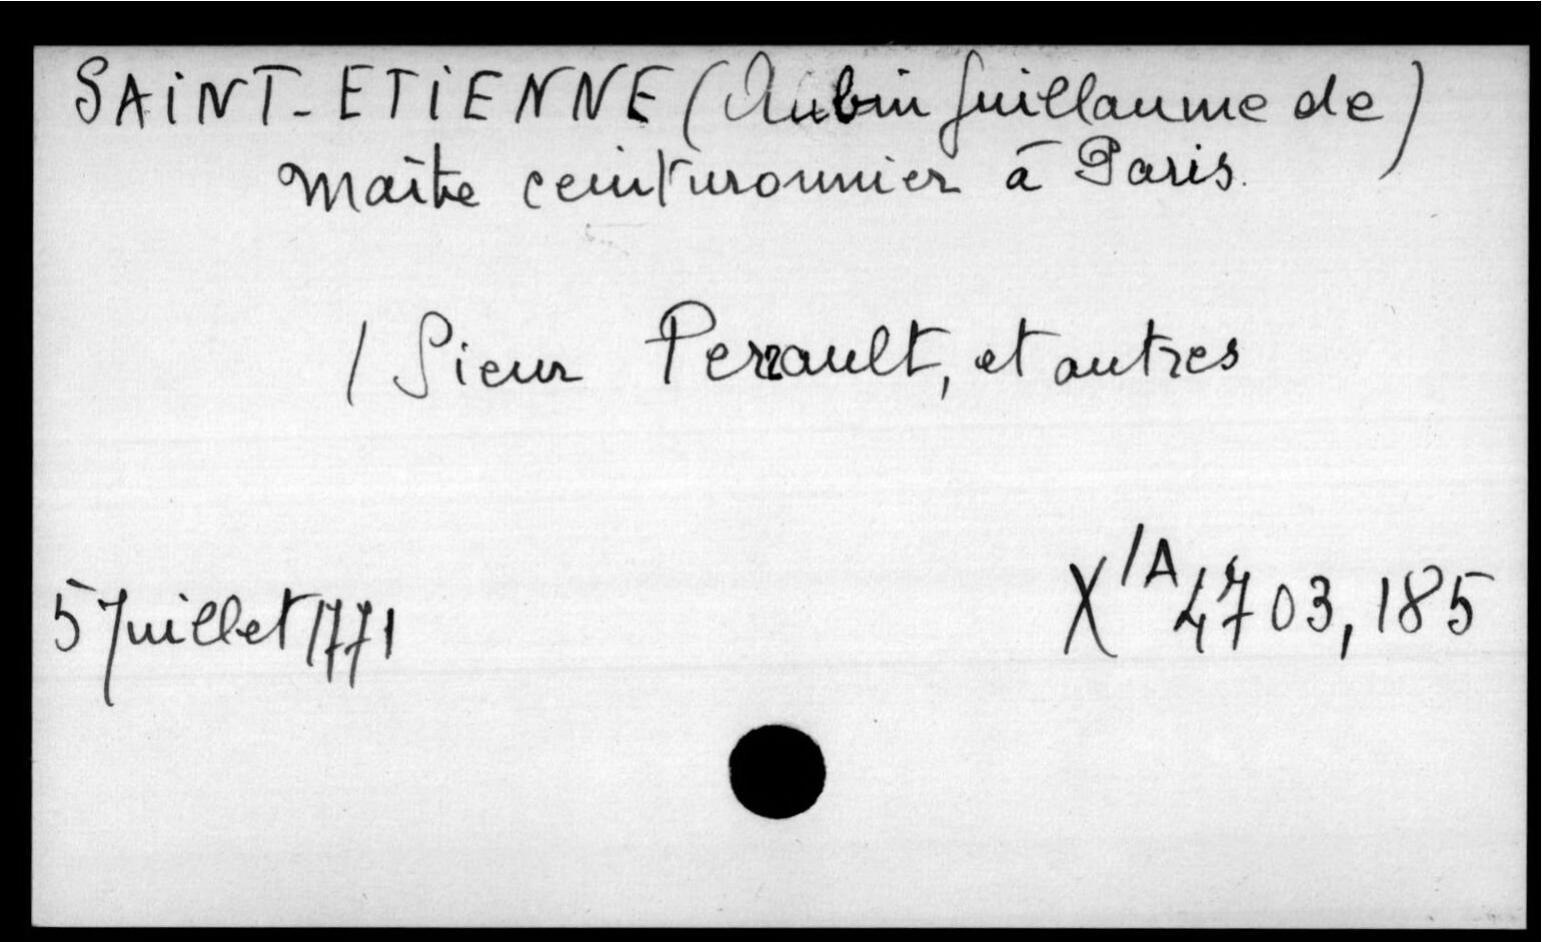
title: SAINT-ÉTIENNE (Aubin Guillaume de) maître ceinturonnier à Garis
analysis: Contre Sieur Perrault, et autres
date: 5 juillet 1771
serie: X1A
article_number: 4703
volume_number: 185
